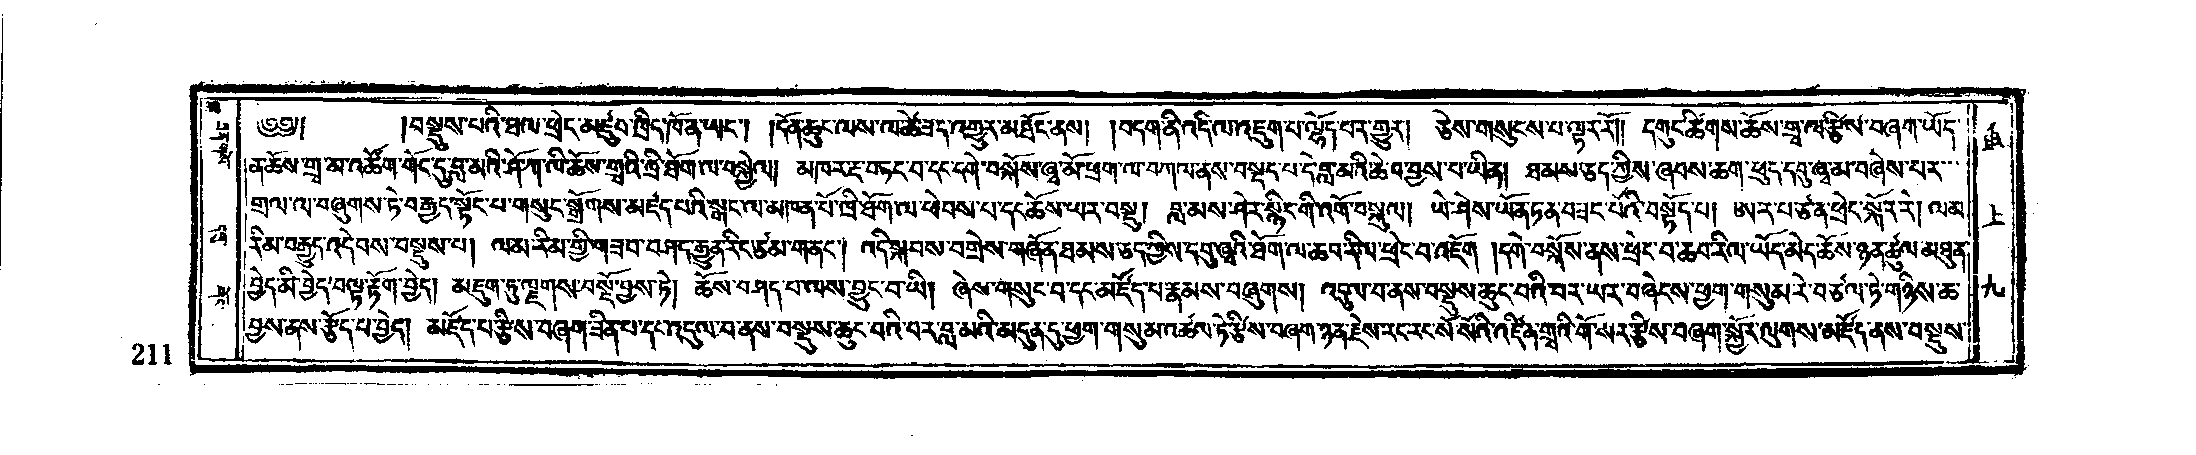༄༅། །བསྡུས་པའི་ཐལ་ཕྲེང་མཛུབ་ཁྲིད་ཁོ་ན་ཡང་། །དོན་ཆུང་ལས་ལ་ཚེ་ཟད་འགྱུར་མཐོང་ནས། །བདག་ནི་འདི་ལ་འཇུག་པ་ལྷོད་པར་གྱུར། ཅེས་གསུངས་པ་ལྟར་རོ།། དགུང་ཚིགས་ཆོས་གྲྭ་ལ་རྩིས་བཞག་ཡོད་
ན་ཆོས་གྲྭ་མ་འཚོག་གོང་དུ་བླ་མའི་ཤོ་ཀ་ལི་ཆོས་གྲྭའི་ཁྲི་ཐོག་ལ་བསྐྱེལ། མཁར་རྔ་བཏང་བ་དང་དགེ་བསྐོས་ཞྭ་མོ་ཕྲག་ལ་བཀལ་ནས་བསྡད་པ་དེ་བླ་མའི་ཆེ་བ་བྱས་པ་ཡིན། ཐམས་ཅད་ཀྱིས་ཞབས་ཆག་ཕུད་དབུ་ཞྭ་མ་བཞེས་པར་
གྲལ་ལ་བཞུགས་ཏེ་བརྒྱད་སྟོང་པ་གསུང་སྒྲོགས་མཛད་པའི་སྒང་ལ་མཁན་པོ་ཁྲི་ཐོག་ལ་ཕེབས་པ་དང་ཆོས་ཡར་བསྡུ། བླ་མས་ཤེར་སྙིང་གི་འགོ་བསྐུལ། ཡེ་ཤེས་ཡོན་ཏན་བཟང་པོའི་བསྟོད་པ། ཨ་ར་པ་ཙ་ན་ཕྲེང་སྐོར་རེ། ལམ་
རིམ་བརྒྱུད་འདེབས་བསྡུས་པ། ལམ་རིམ་གྱི་གཟབ་བཤད་རྒྱུན་རིང་ཙམ་གནང་། འདི་སྐབས་བགྲེས་གཞོན་ཐམས་ཅད་ཀྱིས་དབུ་ཞྭའི་ཐོག་ལ་ཆབ་རིལ་ཕྲེང་བ་འཇོག །དགེ་བསྐོས་ནས་ཕྲེང་བ་ཆབ་རིལ་ཡོད་མེད་ཆོས་ཉན་ཚུལ་མཐུན་
བྱེད་མི་བྱེད་བལྟ་རྟོག་བྱེད། མཇུག་ཏུ་ལྗགས་བསྔོ་བྱས་ཏེ། ཆོས་བཤད་པ་ལས་བྱུང་བ་ཡི། ཞེས་གསུང་བ་དང་མཛོད་པ་རྣམས་བཞུགས། འདུལ་བ་ནས་བསྡུས་ཆུང་བའི་བར་ཡར་བཞེངས་ཕྱག་གསུམ་རེ་བཙལ་ཏེ་གཉིས་ཆ་
བྱས་ནས་རྩོད་པ་བྱེད། མཛོད་པ་རྩིས་བཞག་ཟིན་པ་དང་འདུལ་བ་ནས་བསྡུས་ཆུང་བའི་བར་བླ་མའི་མདུན་དུ་ཕྱག་གསུམ་འཚལ་ཏེ་རྩིས་བཞག་ཉན་རྗེས་རང་རང་སོ་སོའི་འཛིན་གྲྭའི་གོ་སར་རྩིས་བཞག་སྐྱོར་ལུགས་མཛོད་ནས་བསྡུས་